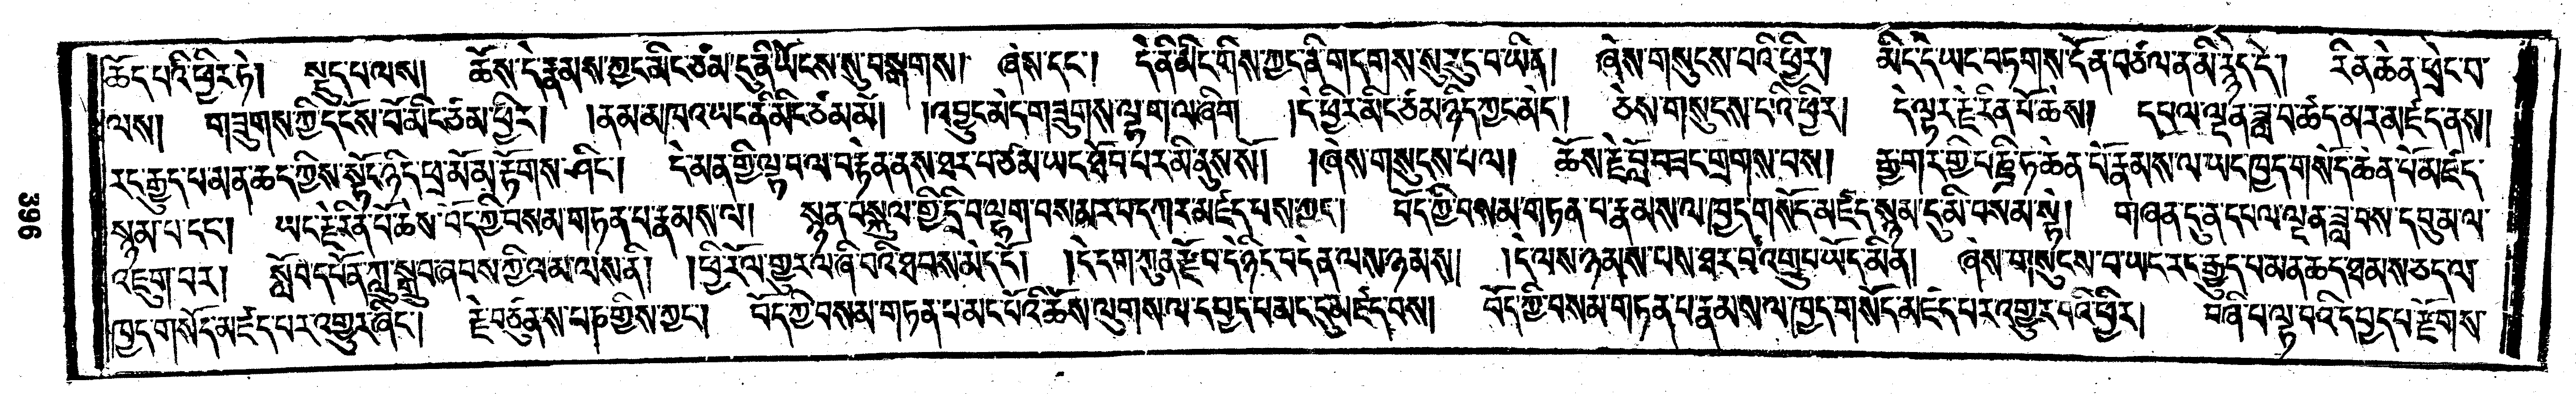ཆོད་པའི་ཕྱིར་ཏེ། སྡུད་པ་ལས། ཆོས་དེ་རྣམས་ཀྱང་མིང་ཙམ་དུ་ནི་ཡོངས་སུ་བསྔགས། ཞེས་དང་། དེ་ནི་མིང་གིས་ཀྱང་ནི་གདགས་སུ་རུང་བ་ཡིན། ཞེས་གསུངས་པའི་ཕྱིར། མིང་དེ་ཡང་བཏགས་དོན་བཙལ་ན་མི་རྙེད་དེ། རིན་ཆེན་ཕྲེང་བ་
ལས། གཟུགས་ཀྱི་དངོས་པོ་མིང་ཙམ་ཕྱིར། །ནམ་མཁའ་ཡང་ནི་མིང་ཙམ་མོ། །འབྱུང་མེད་གཟུགས་ལྷ་ག་ལ་ཞིག །དེ་ཕྱིར་མིང་ཙམ་ཉིད་ཀྱང་མེད། ཅེས་གསུངས་པའི་ཕྱིར། དེ་ལྟར་རྗེ་རིན་པོ་ཆེས། དཔལ་ལྡན་ཟླ་བ་ཚད་མར་མཛད་ནས།
རང་རྒྱུད་པ་མན་ཆད་ཀྱིས་སྟོང་ཉིད་ཕྲ་མོ་མ་རྟོགས་ཤིང་། དེ་མན་གྱི་ལྟ་བ་ལ་བརྟེན་ནས་ཐར་པ་ཙམ་ཡང་ཐོབ་པར་མི་ནུས་སོ། །ཞེས་གསུངས་པ་ལ། ཆོས་རྗེ་བློ་བཟང་གྲགས་པས། རྒྱ་གར་གྱི་པཎྜི་ཏ་ཆེན་པོ་རྣམས་ལ་ཡང་ཁྱད་གསོད་ཆེན་པོ་མཛད་
སྙམ་པ་དང་། ཡང་རྗེ་རིན་པོ་ཆེས་བོད་ཀྱི་བསམ་གཏན་པ་རྣམས་ལ། སྙན་བསྐུལ་གྱི་དྲི་བ་ལྷག་བསམ་རབ་དཀར་མཛད་པས་ཀྱང་། བོད་ཀྱི་བསམ་གཏན་པ་རྣམས་ལ་ཁྱད་གསོད་མཛད་སྙམ་དུ་མི་བསམ་སྟེ། གཞན་དུ་ན་དཔལ་ལྡན་ཟླ་བས་དབུ་མ་ལ་
འཇུག་པར། སློབ་དཔོན་ཀླུ་སྒྲུབ་ཞབས་ཀྱི་ལམ་ལས་ནི། །ཕྱི་རོལ་གྱུར་ལ་ཞི་བའི་ཐབས་མེད་དོ། །དེ་དག་ཀུན་རྫོབ་དེ་ཉིད་བདེན་ལས་ཉམས། །དེ་ལས་ཉམས་པས་ཐར་བ་འགྲུབ་ཡོད་མིན། ཞེས་གསུངས་པ་ཡང་རང་རྒྱུད་པ་མན་ཆད་ཐམས་ཅད་ལ་
ཁྱད་གསོད་མཛད་པར་འགྱུར་ཞིང་། རྗེ་བཙུན་ས་པཎ་གྱིས་ཀྱང་། བོད་ཀྱི་བསམ་གཏན་པ་མང་པོའི་ཆོས་ལུགས་ལ་དཔྱད་པ་མང་དུ་མཛད་པས། བོད་ཀྱི་བསམ་གཏན་པ་རྣམས་ལ་ཁྱད་གསོད་མཛད་པར་འགྱུར་བའི་ཕྱིར། བཞི་པ་ལྟ་བའི་དཔྱད་པ་རྫོགས་